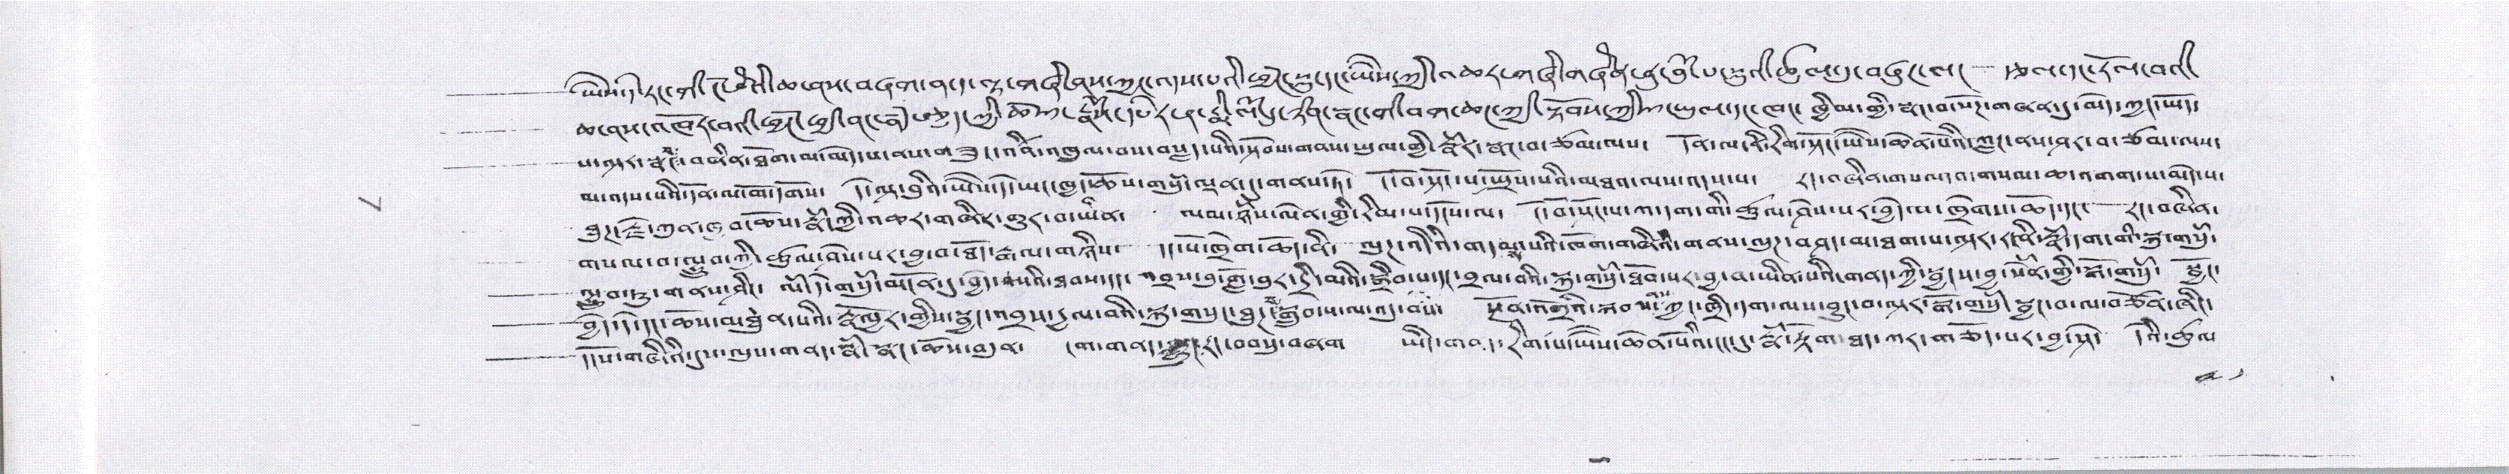ཡེ་ཤེས་དེ་རང་གི་ངོ་བོའི་ཆ་ནས་བཞག་ན་ད་ལྟ་གཞི་ནས་ཀྱང་འདས་པའི་ཕྱོགས་སྐུ་དང་ཡེ་ཤེས་ཀྱི་འཆར་གཞི་གཞོན་ནུ་བུམ་པའི་སྐུ་ཡི་ཚུལ་དུ་བཞུགས་པ། རྩལ་དང་རོལ་པའི་
ཆ་ནས་འཁོར་བའི་ཕྱོགས་ཕྱི་ནང་སྣོད་བཅུད་ཀྱི་ཆོས་རྣམས་དཔེར་ན་རྨི་ལམ་དུ་ཉིན་སྣང་གི་བག་ཆགས་ཀྱི་སྟོབས་ཀྱིས་ཡུལ་དང་ཁང་ཁྱིམ་གྱི་སྣང་བ་སོགས་གཞན་དུ་མེད་ཀྱང་ཡོད་
པ་ལྟར་སྣང་བ་བཞིན་ཐོག་མ་མེད་པ་ནས་གཟུང་འཛིན་འཁྲུལ་པས་བསླད་པའི་སྟོབས་གནས་ཡུལ་གྱི་རྣམ་པར་སྣང་བ་ཙམ་ལས། དོན་ལ་ནི་རིག་སྟོང་ཡེ་ཤེས་ཆེན་པོའི་ཀློང་ནས་ཤར་བ་ཙམ་ལས་
མ་འདས་པའི་དོན་ལ་གོ་དགོས། དེ་ལྟ་བུའི་ཡེ་ཤེས་དེ་ཁྱད་ཆོས་གསུམ་ལྡན་དུ་གནས་ཏེ། ངོ་བོ་སྟོང་པ་སྤྲོས་པའི་མཐའ་ལས་འདས་པ། རང་བཞིན་གསལ་བ་གསལ་ཆ་འགག་པ་མེད་པ།
ཐུགས་རྗེ་ཀུན་ཁྱབ་ཆོས་རྣམས་ཀྱི་འཆར་གཞིར་གྱུར་པ་ཡིན། ལམ་ཉམས་ལེན་གྱི་རིམ་པ་དངོས་ལ། ངོ་བོ་སྟོང་པ་ཀ་དག་གི་ཚུལ་ཤེས་པར་བྱེད་པ་ཁྲེགས་ཆོད་དང་། རང་བཞིན་
གསལ་བ་ལྷུན་གྲུབ་ཀྱི་ཚུལ་ཤེས་པར་བྱ་བ་ཐོད་རྒལ་གཉིས། དང་པོ་ཁྲེགས་ཆོད་ནི། ལུགས་འདིའི་གདམས་པའི་ཁོག་གཞིའི་གནས་ལུགས་བཤད་མ་ཐག་པ་ལྟར་རང་བཞིན་རྣམ་དག་གི་སྐུ་གསུམ་
ལྷུན་གྲུབ་ཏུ་གནས་ཤིང་། ལམ་དེ་གསུམ་མངོན་དུ་བྱེད་པའི་ཐབས་དང་། འབྲས་བུ་གློ་བུར་དྲི་མའི་སྒྲིབ་པ་དང་བྲལ་བའི་སྐུ་གསུམ་ཐོབ་པར་བྱ་བ་ཡིན་པའི་གནད་ཀྱི་སྦྱང་བྱ་སེམས་ཅན་གྱི་སྒོ་གསུམ། སྦྱོང་
བྱེད་དེ་དང་ཆོས་མཐུན་པའི་རྣལ་འབྱོར་གྱི་སྦྱངས་འབྲས་རྒྱལ་བའི་སྐུ་གསུང་ཐུགས་བསྒྲུབས་པ་ལ་འདུ། སྔོན་འགྲོའི་སྐབས་དག་ནས་ཀྱང་ཁྲིད་དག་ལས་བྱུང་བ་ལྟར་སྒོ་གསུམ་སྦྱང་བ་ལ་བརྩོན་ཞིང་
དངོས་གཞིའི་དུས་ལུས་གནད་རྣམ་སྣང་ཆོས་བདུན་རང་བབས་སུ་བཞག ཡིད་གནད་རིག་པ་ཡེ་ཤེས་ཆེན་པོའི་ངང་དུ་རྣམ་རྟོག་ཐད་ཀར་གཅོད་པར་བྱ་སྟེ། དེའིོ་ཚུལ་